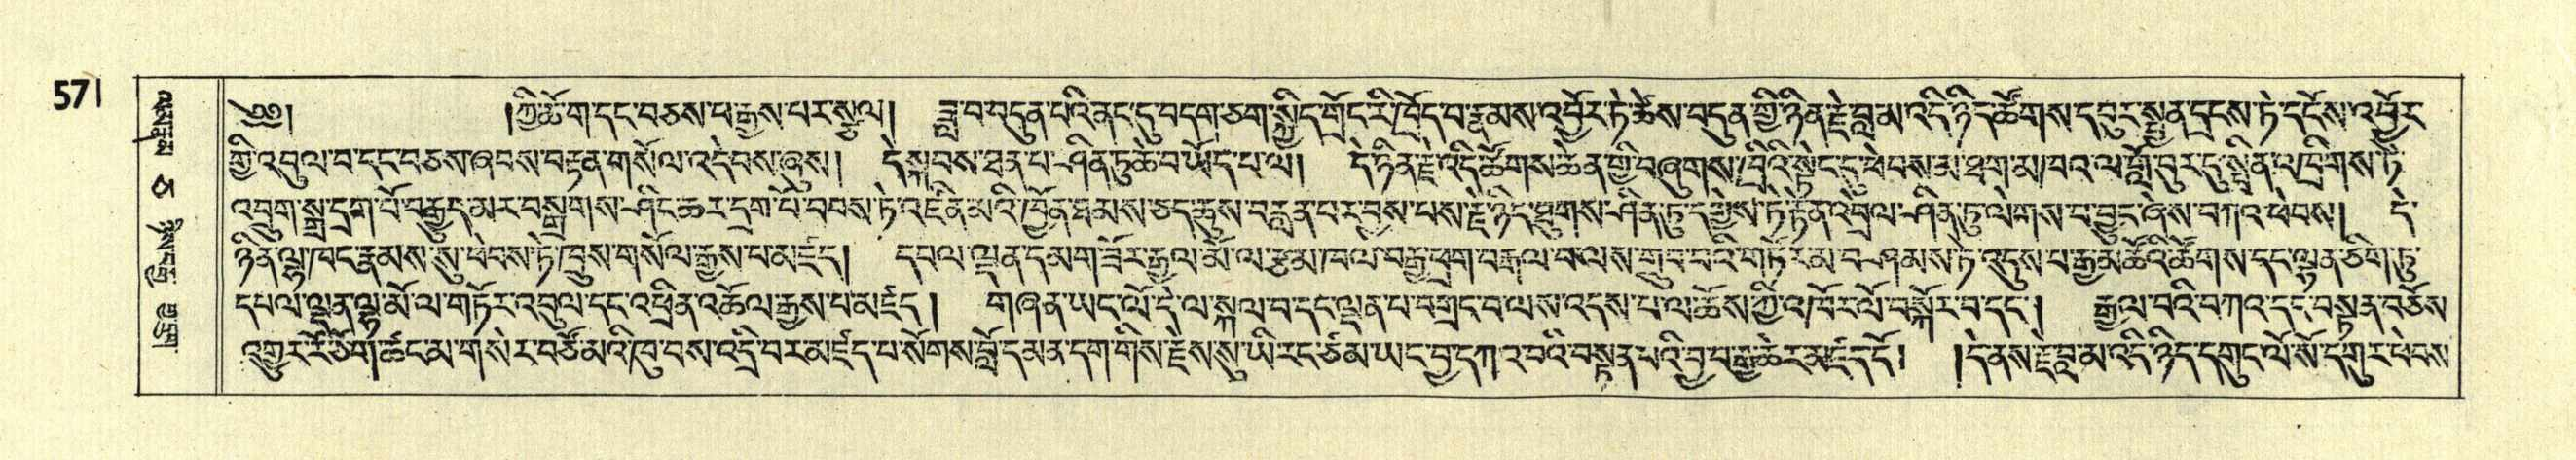༄༅། །ཀྱི་ཆོ་ག་དང་བཅས་པ་རྒྱས་པར་སྩལ། ཟླ་བ་བདུན་པའི་ནང་དུ་བདག་ཅག་སྐྱིད་གྲོང་རི་ཁྲོད་བ་རྣམས་འབྱོར་ཏེ་ཚེས་བདུན་གྱི་ཉིན་རྗེ་བླ་མ་འདི་ཉིད་ཚོགས་དབུར་སྤྱན་དྲངས་ཏེ་དངོས་འབྱོར་
གྱི་འབུལ་བ་དང་བཅས་ཞབས་བརྟན་གསོལ་འདེབས་ཞུས། དེ་སྐབས་ཐན་པ་ཤིན་ཏུ་ཆེ་བ་ཡོད་པ་ལ། དེ་ཉིན་རྗེ་འདི་ཚོགས་ཆེན་གྱི་བཞུགས་ཁྲིའི་སྟེང་དུ་ཕེབས་མ་ཐག་མཁའ་ལ་གློ་བུར་དུ་སྤྲིན་འཁྲིགས་ཏེ་
འབྲུག་སྒྲ་དྲག་པོ་བརྒྱུད་མར་བསྒྲགས་ཤིང་ཆར་དྲག་པོ་བབས་ཏེ་འཛིན་མའི་ཁྱོན་ཐམས་ཅད་ཆུས་བརླན་པར་བྱས་པས་རྗེ་ཉིད་ཐུགས་ཤིན་ཏུ་དགྱེས་ཏེ་རྟེན་འབྲེལ་ཤིན་ཏུ་ལེགས་པ་བྱུང་ཞེས་བཀའ་ཕེབས། དེ་
ཉིན་ལྷ་ཁང་རྣམས་སུ་ཕེབས་ཏེ་ཁྲུས་གསོལ་རྒྱས་པ་མཛད། དཔལ་ལྡན་དམག་ཟོར་རྒྱལ་མོ་ལ་རྩམ་ཁལ་བརྒྱ་ཕྲག་བརྒལ་བ་ལས་གྲུབ་པའི་གཏོར་མ་བཤམས་ཏེ་འདུས་པ་རྒྱ་མཚོའི་ཚོགས་དང་ལྷན་ཅིག་ཏུ་
དཔལ་ལྡན་ལྷ་མོ་ལ་གཏོར་འབུལ་དང་འཕྲིན་འཆོལ་རྒྱས་པ་མཛད། གཞན་ཡང་ལོ་དེ་ལ་སྐལ་བ་དང་ལྡན་པ་བགྲང་བ་ལས་འདས་པ་ལ་ཆོས་ཀྱི་འཁོར་ལོ་བསྐོར་བ་དང་། རྒྱལ་བའི་བཀའ་དང་བསྟན་བཅོས་
འགྱུར་རོ་ཅོག་ཚང་མ་གསེར་བཙོ་མའི་ཁུ་བས་འདྲི་བར་མཛད་པ་སོགས་བློ་དམན་དག་གིས་རྗེས་སུ་ཡི་རང་ཙམ་ཡང་བྱ་དཀའ་བའི་བསྟན་པའི་བྱ་བ་རྒྱ་ཆེར་མཛད་དོ། །དེ་ནས་རྗེ་བླ་མ་འདི་ཉིད་དགུང་ལོ་སོ་དགུར་ཕེབས་